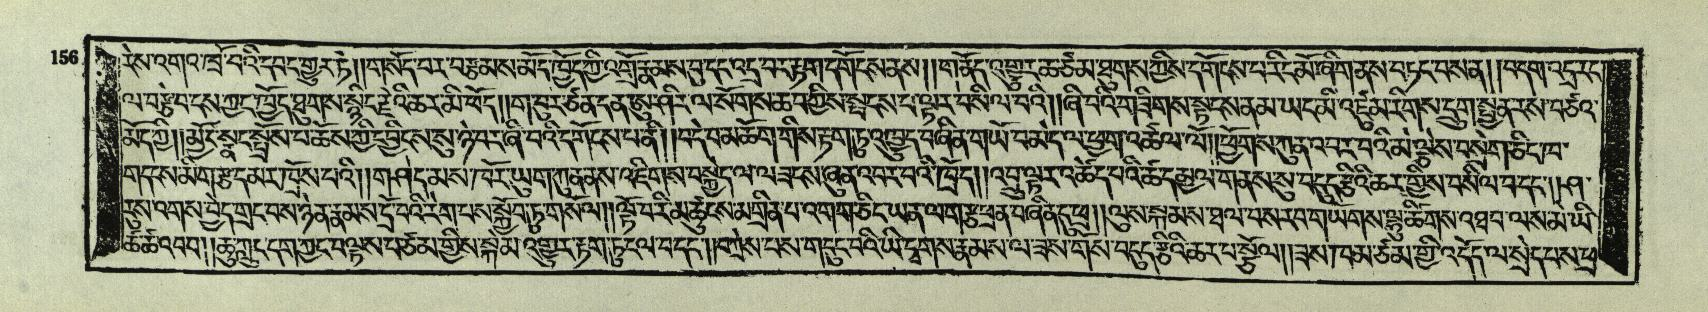རེས་འགའ་ཁྲོ་བའི་དབང་གྱུར་ཏེ། །གསོད་པར་བརྩམས་མོད་ཁྱོད་ཀྱི་འགྲོ་རྣམས་བུ་དང་འདྲ་བར་རྟག་དགོངས་ནས། །གནོད་འགྱུར་ཆ་ཙམ་ཐུགས་ཀྱིས་དགོངས་པ་རིང་མོ་ཞིག་ནས་བཏང་བས་ན། །བདག་འདྲ་རང་
ལ་བརྩེབ་དས་ཀྱང་ཁྱོད་ཐུགས་སྙིང་རྗེའི་ཆར་མི་ཕོད། །ག་བུར་ཙན་དན་ཨུ་ཤིར་ལ་སོགས་ཆབ་ཀྱིས་སྤངས་པ་ལྟར་བསིལ་བའི། །ཞི་བའི་གཟིགས་སྟངས་ནམ་ཡང་མི་འཛུམ་རིགས་དྲུག་སྤྱན་རས་བཙའ་
མོད་ཀྱི། །མྱོང་སྣང་སྤྲོས་པ་ཆོས་ཀྱི་དབྱིངས་སུ་ཉེ་བར་ཞི་བའི་དགོངས་པ་ནི། །བདེ་བ་མཆོག་གིས་རྟག་ཏུ་འཁྱུད་བཞིན་གཡོ་བ་མེད་ལ་ཕྱག་འཚལ་ལོ། །ཕྱོགས་ཀུན་འབར་བའི་མེ་ལྕེས་བསྲེག་ཅིང་ཁ་
གདངས་མིག་རྩ་དམར་ཁྲོས་པའི། །གཤེད་མས་ཁོར་ཡུག་ཀུན་ནས་འཇིགས་བསྐྱེད་ལ་ལ་ཟངས་ཞུན་འབར་བའི་ཁྲོད། །འབྲུ་ལྟར་འཚེད་པའི་ཚ་དམྱལ་གནས་སུ་བདུད་རྩིའི་ཆར་གྱིས་བསིལ་བ་དང་། །ཤ་
རུས་འགས་བྱེད་གྲང་བས་ཉེན་རྣམས་དྲོ་བའི་རེག་པས་སྐྱོབ་ཏུ་གསོལ། །ལྟོ་བ་རི་མཚུངས་མགྲིན་པ་འགག་ཅིང་ཡན་ལག་རྩ་ཕྲན་བཞིན་དུ་ཕྲ། །ལུས་སྐམས་ཐལ་བས་རབ་གཡོགས་ལྷུ་ཚིགས་འཐབ་ལས་མེ་ཡི་
ཚ་ཚ་འབབ། །ཆུ་ཀླུང་དག་ཀྱང་བལྟས་པ་ཙམ་གྱིས་སྐེམ་འགྱུར་རྟག་ཏུ་ངལ་བ་དང་། །བཀྲེས་པས་གདུང་བའི་ཡི་དྭགས་རྣམས་ལ་ཟས་གོས་བདུད་རྩིའི་ཆར་པ་སྩོལ། །ཟས་ཁམ་ཙམ་གྱི་འདོད་ལ་སྲེད་པས་ཕྲ་